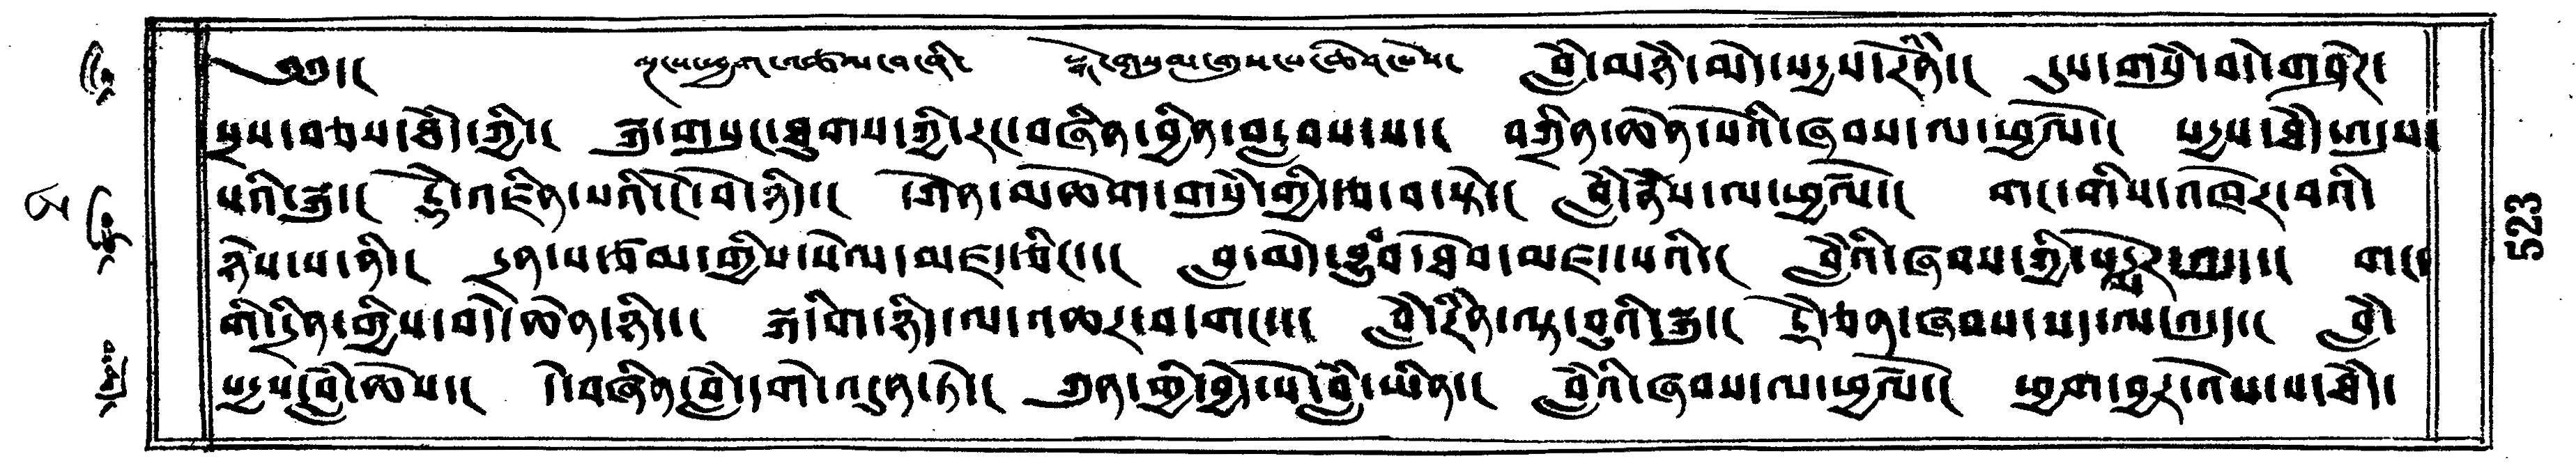ལྔ་པ་ཕྱག་འཚལ་བ་ནི། སྒོ་གསུམ་གུས་པ་ཆེན་པོས། བླ་མ་མཉམ་མེད་སངས་རྒྱས་རིན་པོ་ཆེ། །དུས་གསུམ་བདེ་གཤེགས་
སྲས་བཅས་ཐམས་ཅད་ཀྱི། །སྐུ་གསུང་ཐུགས་ཀྱི་རང་བཞིན་བྱིན་བརླབས་པ། །བཀའ་དྲིན་ཆེན་པོའི་ཞབས་ལ་ཕྱག་འཚལ་ལོ། །སངས་རྒྱས་ཐམས་ཅད་འདུས་
པའི་སྐུ། །རྡོ་རྗེ་འཛིན་པའི་ངོ་བོ་ཉིད། །དཀོན་མཆོག་གསུམ་གྱི་རྩ་བ་སྟེ། །བླ་མ་རྣམས་ལ་ཕྱག་འཚལ་ལོ། །གང་གིས་འཁོར་བའི་
ཉེས་པ་ནི། །དྲན་པ་ཙམ་གྱིས་སེལ་མཛད་ཅིང་། །བླ་མེད་བྱང་ཆུབ་ཐོབ་མཛད་པའི། །བླ་མའི་ཞབས་ཀྱི་པདྨོར་འདུད། །གང་
གི་དྲིན་གྱིས་བདེ་ཆེན་ཉིད། །སྐད་ཅིག་ཉིད་ལ་འཆར་བ་གང་། །བླ་མ་རིན་ཆེན་ལྟ་བུའི་སྐུ། །རྡོ་རྗེ་ཅན་ཞབས་པད་ལ་འདུད། །བླ་མ་
སངས་རྒྱས་བླ་མ་ཆོས། །དེ་བཞིན་བླ་མ་དགེ་འདུན་ཏེ། །ཀུན་གྱི་བྱེད་པོ་བླ་མ་ཡིན། །བླ་མའི་ཞབས་ལ་ཕྱག་འཚལ་ལོ། །ཕྱག་བྱར་འོས་པ་ཐམས་ཅད་